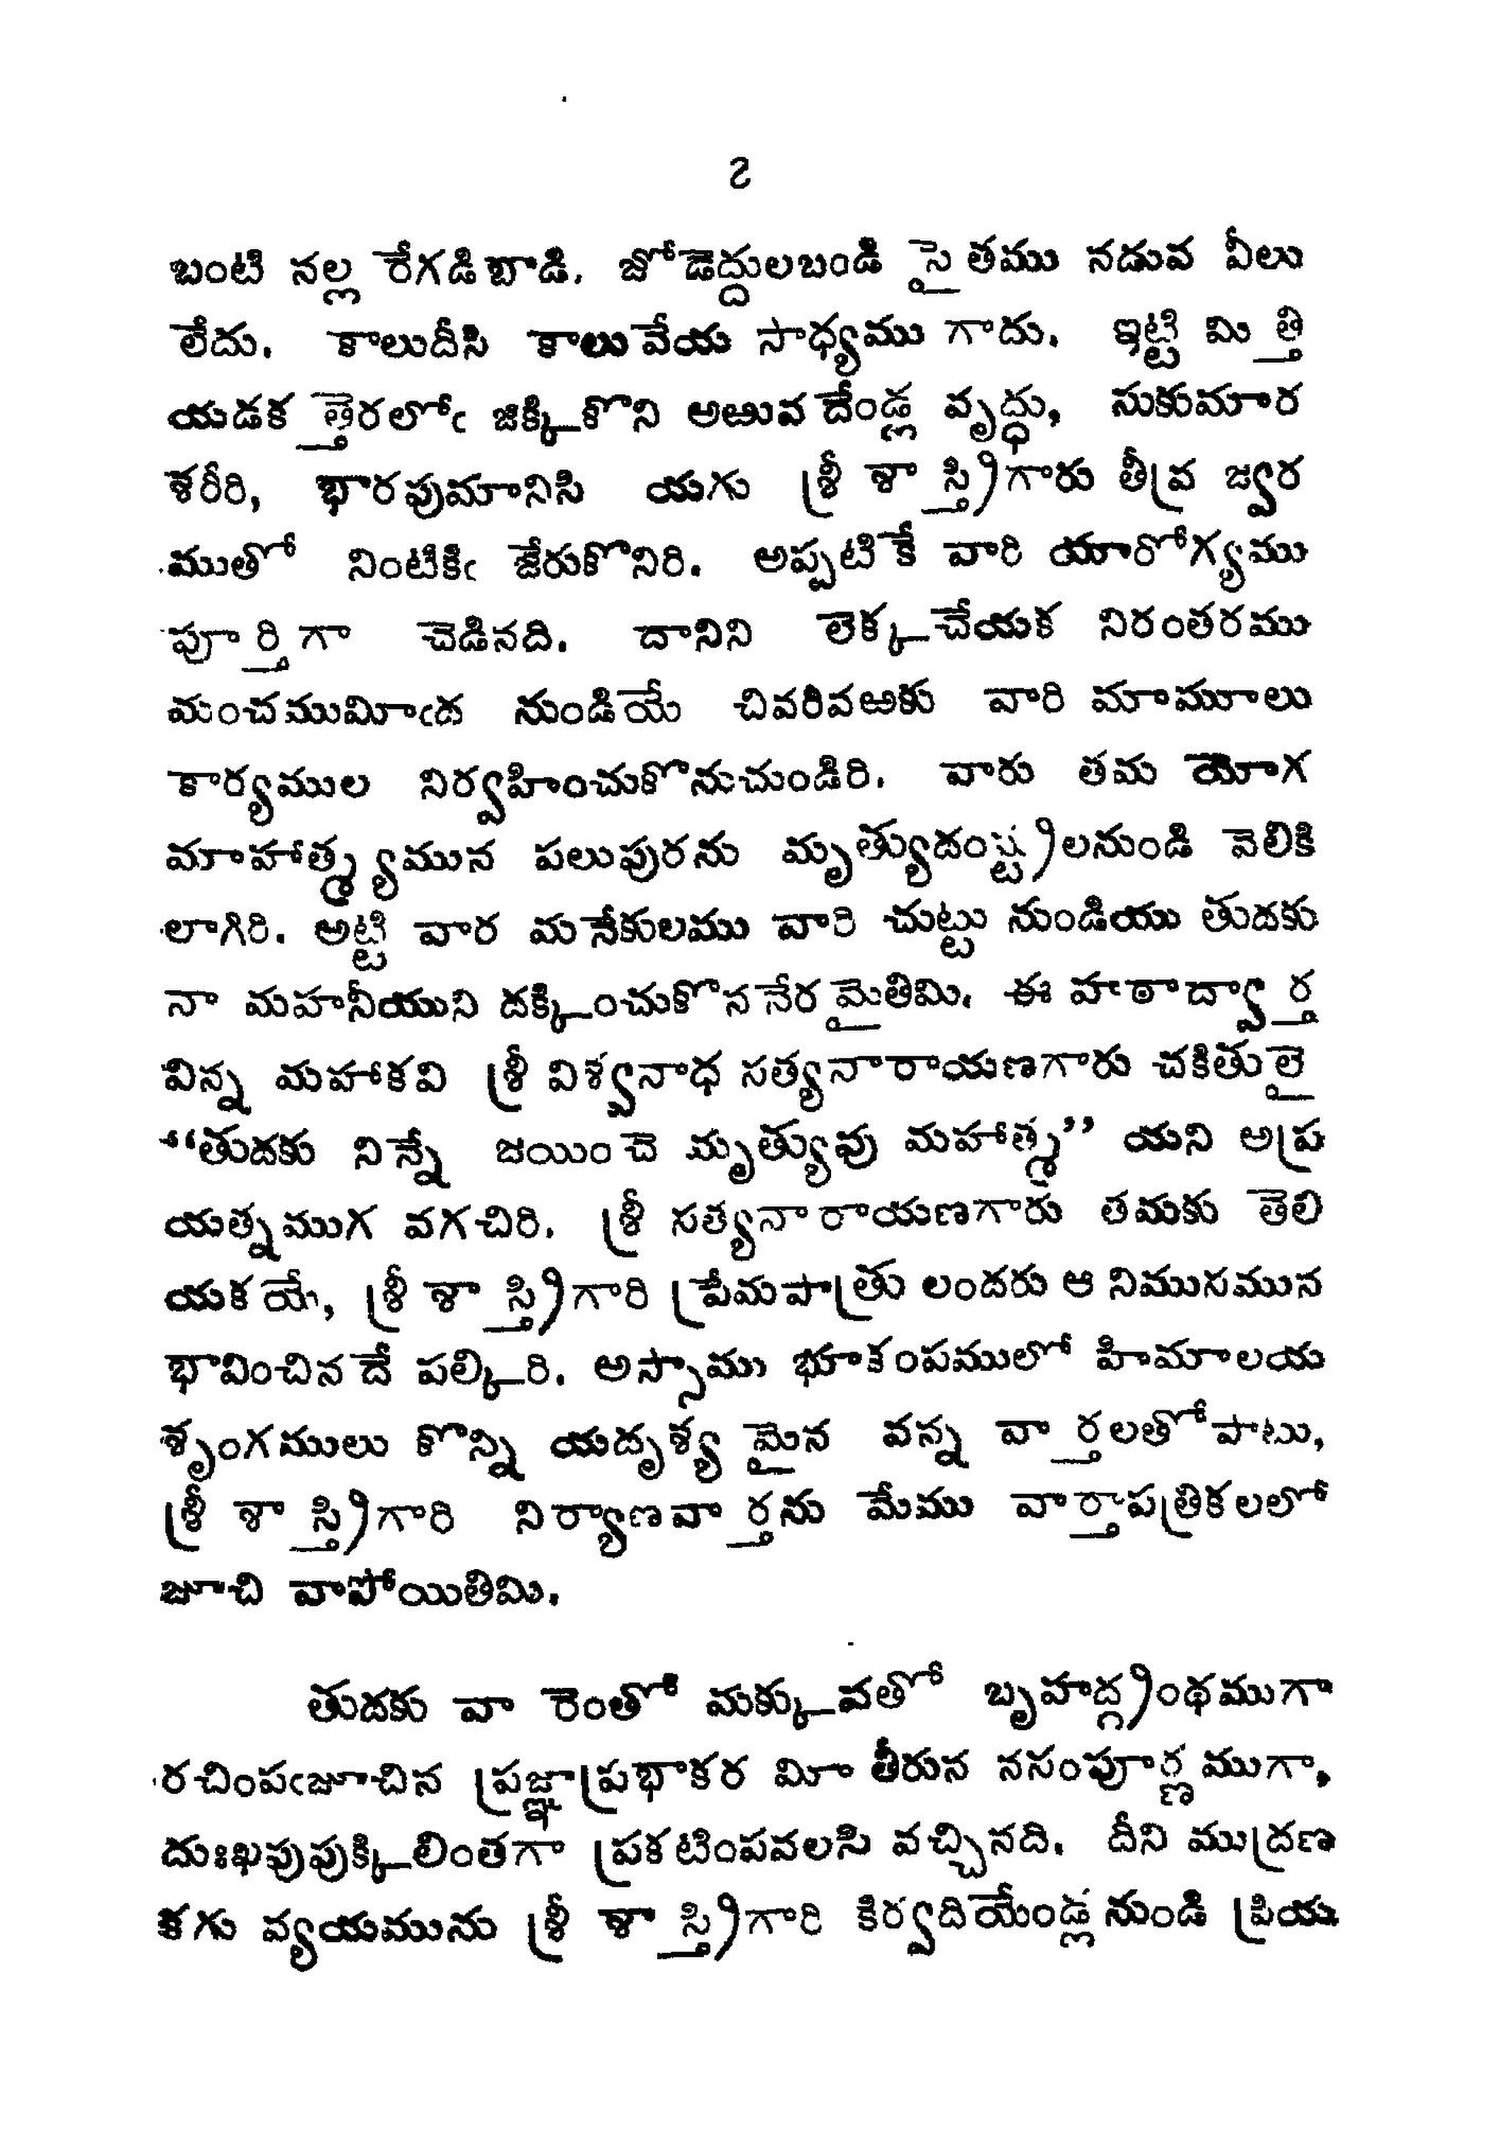బంటి నల్ల రేగడి బాడి. జోడెద్దుల బండి సైతము నడువ వీలు లేదు. కాలుదీసి కాలువేయ సాధ్యము గాదు. ఇట్టి మిత్తి యడకత్తెరలోఁక్కికొని అఱువదేండ్లవృద్ధు, భారపు మానిపి యగు శ్రీ శాస్త్రిగారు తీవ్ర జ్వరముతో నింటికిఁ జేరు కొనిరి. అప్పటికే వారి యారోగ్యము పూర్తిగా చెడినది. దానిని లెక్కచేయక నిరంతరము మంచము మిఁదనుండియే చివరి వఱకు వారి మామూలు కార్యముల నిర్వహించుకొనుచుండిరి. వారు తమ యోగకార్యముల నిర్వహించుకొని చుండిరి. వారు తమ యోగ మహాత్మ్యమున పలువురను మృత్యుదంష్ట్రుల నుండి వెలికి లాగిరి. అట్టి వార మనేకులము వారి చుట్టు నుండియు తుదకు నా మహానీయుని దక్కించుకొన నేరమైతిమి. ఈ హఠా ద్వార్త విన్న మహాకవి శ్రీ విశ్వనాధ సత్యనారాయణ గారు చకితులై "తుదుకు నిన్నే జయించె మృత్యువు మహాత్మా" యని అప్రయత్నముగ వగచిరి. శ్రీ సత్యనారాయణగారు తమకు తెలియక యే, శ్రీ శాస్త్రిగారి ప్రేమ పాత్రులందరు ఆ నిముసమున భావించినదే పల్కిరి. అస్సాము భూకంప ములో హిమాలయ శృంగములు కొన్ని యదృశ్యమైన వన్న వార్తలతోపాటు, శ్రీ శాస్త్రిగారి నిర్యాణ వార్తను మేము వార్తాను మేము వార్తాపత్రికలలో జూచి వాపోయితిమి.

 తుదకు వారెంతో మక్కువతో బృహద్గ్రుంధముగా రచింపఁజూచిన ప్రజ్ఞాప్రభాకర మీతీరున నసంపూర్ణముగా, దుఃఖపుపుక్కిలింతగా ప్రకటింప వలసి వచ్చినది. దీని ముద్రణకగు వ్యయ మును శ్రీ శాస్త్రిగారి కిర్వదియేండ్ల నుండి ప్రియ